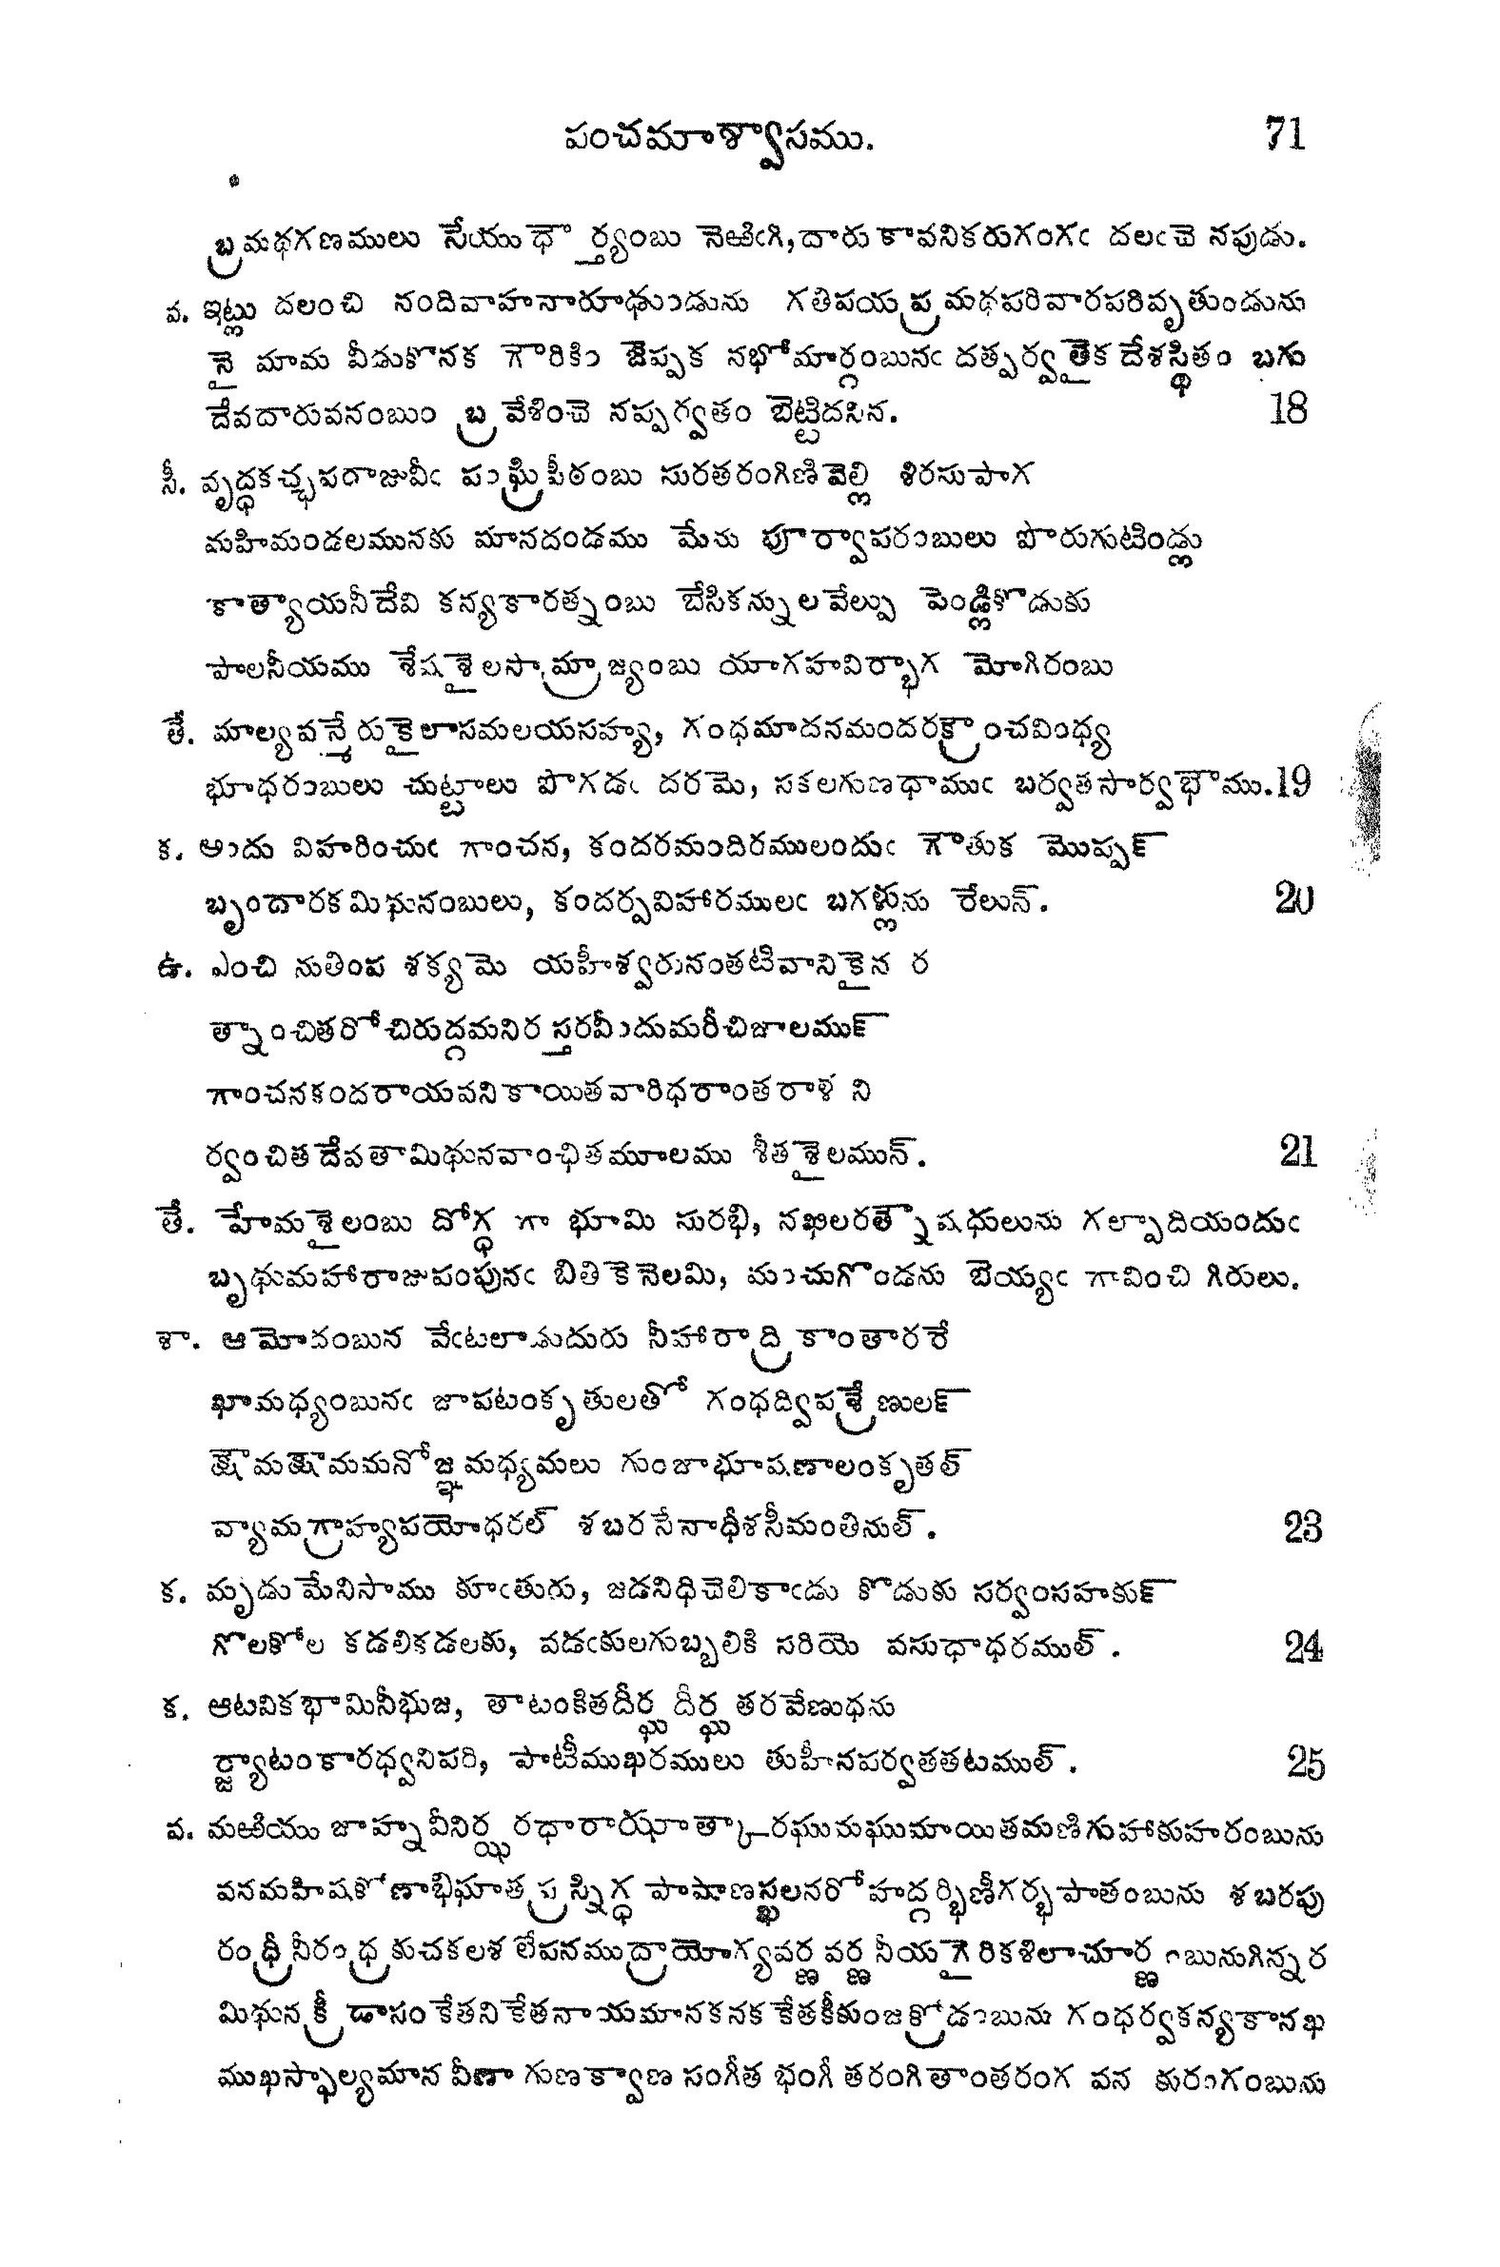బ్రమథగణములు సేయు ధౌర్త్యంబు నెఱిఁగి, దారుకావని కరుగంగఁ దలఁచె నపుడు. 17

వ. ఇట్లు దలంచి నందివాహనారూఢుండును గతిపయప్రమథపరివారపరివృతుండును నై మామ వీడుకొనక గౌరికిం జెప్పక నభోమార్గంబునఁ దత్పర్వతైకదేశస్థితం బగు దేవదారువనంబుం బ్రవేశించె నప్పర్వతం బెట్టిదనిన. 18

సీ. వృద్ధకచ్ఛపరాజువీఁ పంఘ్రిపీఠంబు సురతరంగిణివెల్లి శిరసుపాగ
మహిమండలమునకు మానదండము మేను పూర్వాపరంబులు పొరుగుటిండ్లు
కాత్యాయనీదేవి కన్యకారత్నంబు బేసికన్నులవేల్పు పెండ్లికొడుకు
పొలనీయము శేషశైలసామ్రాజ్యంబు యాగహవిర్భాగ మోగిరంబు
తే. మాల్యవన్మేరుకైలాసమలయసహ్య, గంధమాదనమందరక్రౌంచవింధ్య
భూధరంబులు చుట్టాలు పొగడఁ దరమె, సకలగుణధాముఁ బర్వతసార్వభౌము. 19

క. అందు విహరించుఁ గాంచన, కందరమందిరములందుఁ గౌతుక మొప్పన్
బృందారకమిథునంబులు, కందర్పవిహారములఁ బగళ్లును రేలున్. 20

ఉ. ఎంచి నుతింప శక్యమె యహీశ్వరునంతటివానికైన ర
త్నాంచితరోచిరుద్దమనిరస్తరవీందుమరీచిజాలమున్
గాంచనకందరాయవనికాయితవారిధరాంతరాళ ని
ర్వంచితదేవతామిథునవాంఛితమూలము శీతశైలమున్. 21

తే. హేమశైలంబు దోఁగ్ధగా భూమి సురభి, నఖిలరత్నౌషధులును గల్పాదియందుఁ
బృథుమహారాజుపంపునఁ బితికె నెలమి, మంచుగొండను బెయ్యఁ గావించి గిరులు. 22

శా. ఆమోదంబున వేఁటలాడుదురు నీహారాద్రికాంతారరే
ఖామధ్యంబునఁ జాపటంకృతులతో గంధద్విపశ్రేణులన్
క్షౌమక్షామమనోజ్ఞమధ్యమలు గుంజాభూషణాలంకృతల్
వ్యామగ్రాహ్యపయోధరల్ శబరసేనాధీశసీమంతినుల్. 23

క. మృడుమేనిసాము కూఁతురు, జడనిధిచెలికాఁడు కొడుకు సర్వంసహకున్
గొలకోల కడలికడలకు, వడఁకులగుబ్బలికి సరియె వసుధాధరముల్. 24

క. ఆటవికభామినీభుజ, తాటంకితదీర్ఘదీర్ఘతరవేణుధను
ర్జ్యాటంకారధ్వనిపరి, పాటీముఖరములు తుహీనపర్వతతటముల్. 25

వ. మఱియు జాహ్నవీనిర్ఝరధారాఝాత్కారఘుమఘుమాయితమణిగుహాకుహరంబును వనమహిషకోణాభిఘాతప్రస్నిగ్ధపాషాణస్ఖలనరోహద్గర్భిణీగర్భపాతంబును శబరఫురంధ్రినీరంధ్రకుచకలశలేపనముద్రాయోగ్యవర్ణవర్ణనీయగైరికశిలాచూర్ణంబును గిన్నరమిథునక్రీడాసంకేతనికేతనాయమానకనకకేతకీకుంజక్రోడంబును గంధర్వకన్యకానఖముఖస్ఫాల్యమానవీణాగుణక్వాణసంగీతభంగీతరంగితాంతరంగవనకురంగంబును